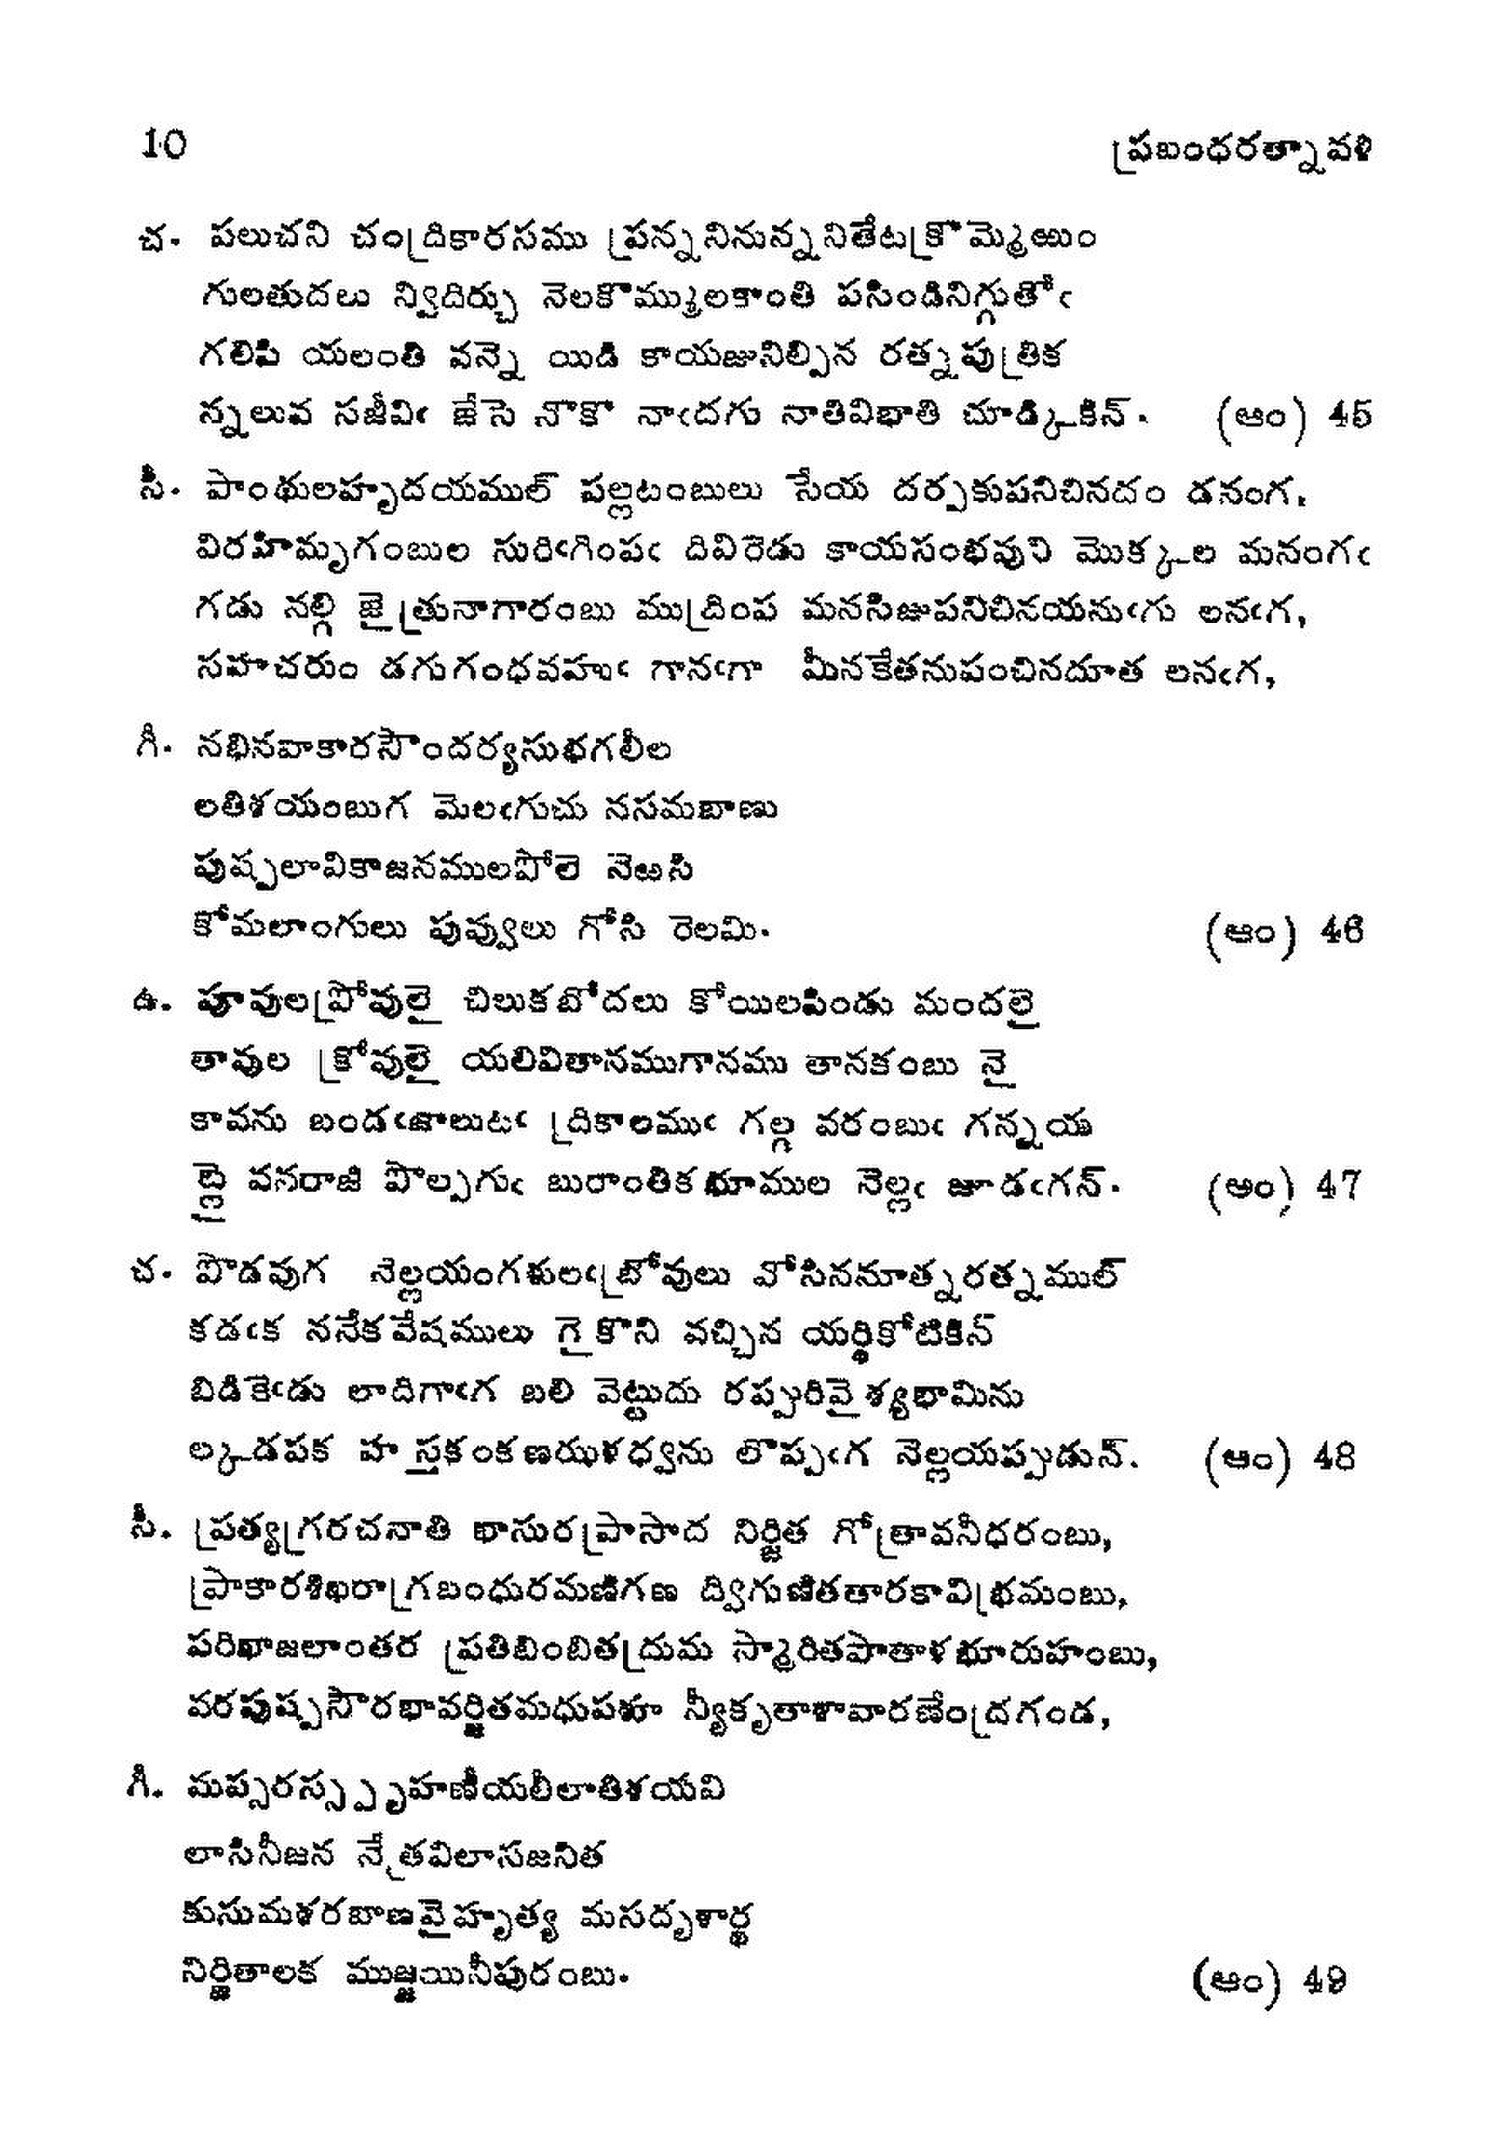చ. పలుచని చంద్రికారసము ప్రన్నని నున్ననితేట క్రొమ్మెఱుం
గుల తుదల న్విదిర్చు నెలకొమ్ములకాంతి పసిండినిగ్గుతోఁ
గలిపి యలంతి వన్నె యిడి కాయజునిల్పిన రత్నపుత్రిక
న్నలువ సజీవిఁ జేసెనొకొ నాఁ దగు నాతివిభాతి చూడ్కికిన్. (ఆం) 45

సీ. పాంథులహృదయముల్ పల్లటంబులు సేయ దర్పకు పనిచిన దం డనంగ
విరహిమృగంబుల సురిఁగింపఁ దివిరెడు కాయసంభవుని మొక్కల మనంగఁ
గడునల్గి జైత్రునాగారంబు ముద్రింప మనసిజు పనిచిన యనుఁగు లనఁగ
సహచరుం డగు గంధవహుఁ గానఁగా మీన కేతను పంచిన దూత లనఁగ
తే. నభినవాకారసౌందర్యసుభగలీల
లతిశయంబుగ మెలఁగుచు నసమబాణు
పుష్పలావికాజనములపోలె నెఱసి
కోమలాంగులు పువ్వులు గోసి రెలమి. (ఆం) 46

ఉ. పూవులప్రోవులై చిలుకబోదలు కోయిలపిండు మందలై
తావులక్రోవులై యలివితానము గానము తానకంబునై
కావను బండఁజాలుటఁ ద్రికాలముఁ గల్గ వరంబుఁ గన్నయ
ట్లై వనరాజి పొల్పగుఁ బురాంతికభూముల నెల్లఁ జూడఁగన్. (ఆం) 47

చ. పొడవుగ నెల్లయంగళులఁ బ్రోవులు వోసిన నూత్నరత్నముల్
కడఁక ననేకవేషములు గైకొని వచ్చిన యర్థికోటికిన్
బిడికెఁడులాదిగాఁగ బలి వెట్టుదు రప్పురి వైశ్యభామిను
ల్కడపక హస్తకంకణఝళధ్వను లొప్పఁగ నెల్లయప్పుడున్. (ఆం) 48

సీ. ప్రత్యగ్రరచనాతి భాసురప్రాసాద నిర్జిత గోత్రావనీధరంబు
ప్రాకారశిఖరాగ్రబంధురమణిగణ ద్విగుణితతారకావిభ్రమంబు
పరిఖాజలాంతరప్రతిబింబితద్రుమ స్మారితపాతాళభూరుహంబు
వనపుష్పసౌరభావర్జితమధుపశూ న్యీకృతాశావారణేంద్రగండ
గీ. మప్సరస్స్పృహణీయలీలాతిశయవి
లాసినీజననేత్రవిలాసజనిత
కుసుమశరబాణవైహృత్య మసదృశార్థ
నిర్జితాలక ముజ్జయినీపురంబు. (ఆం) 49